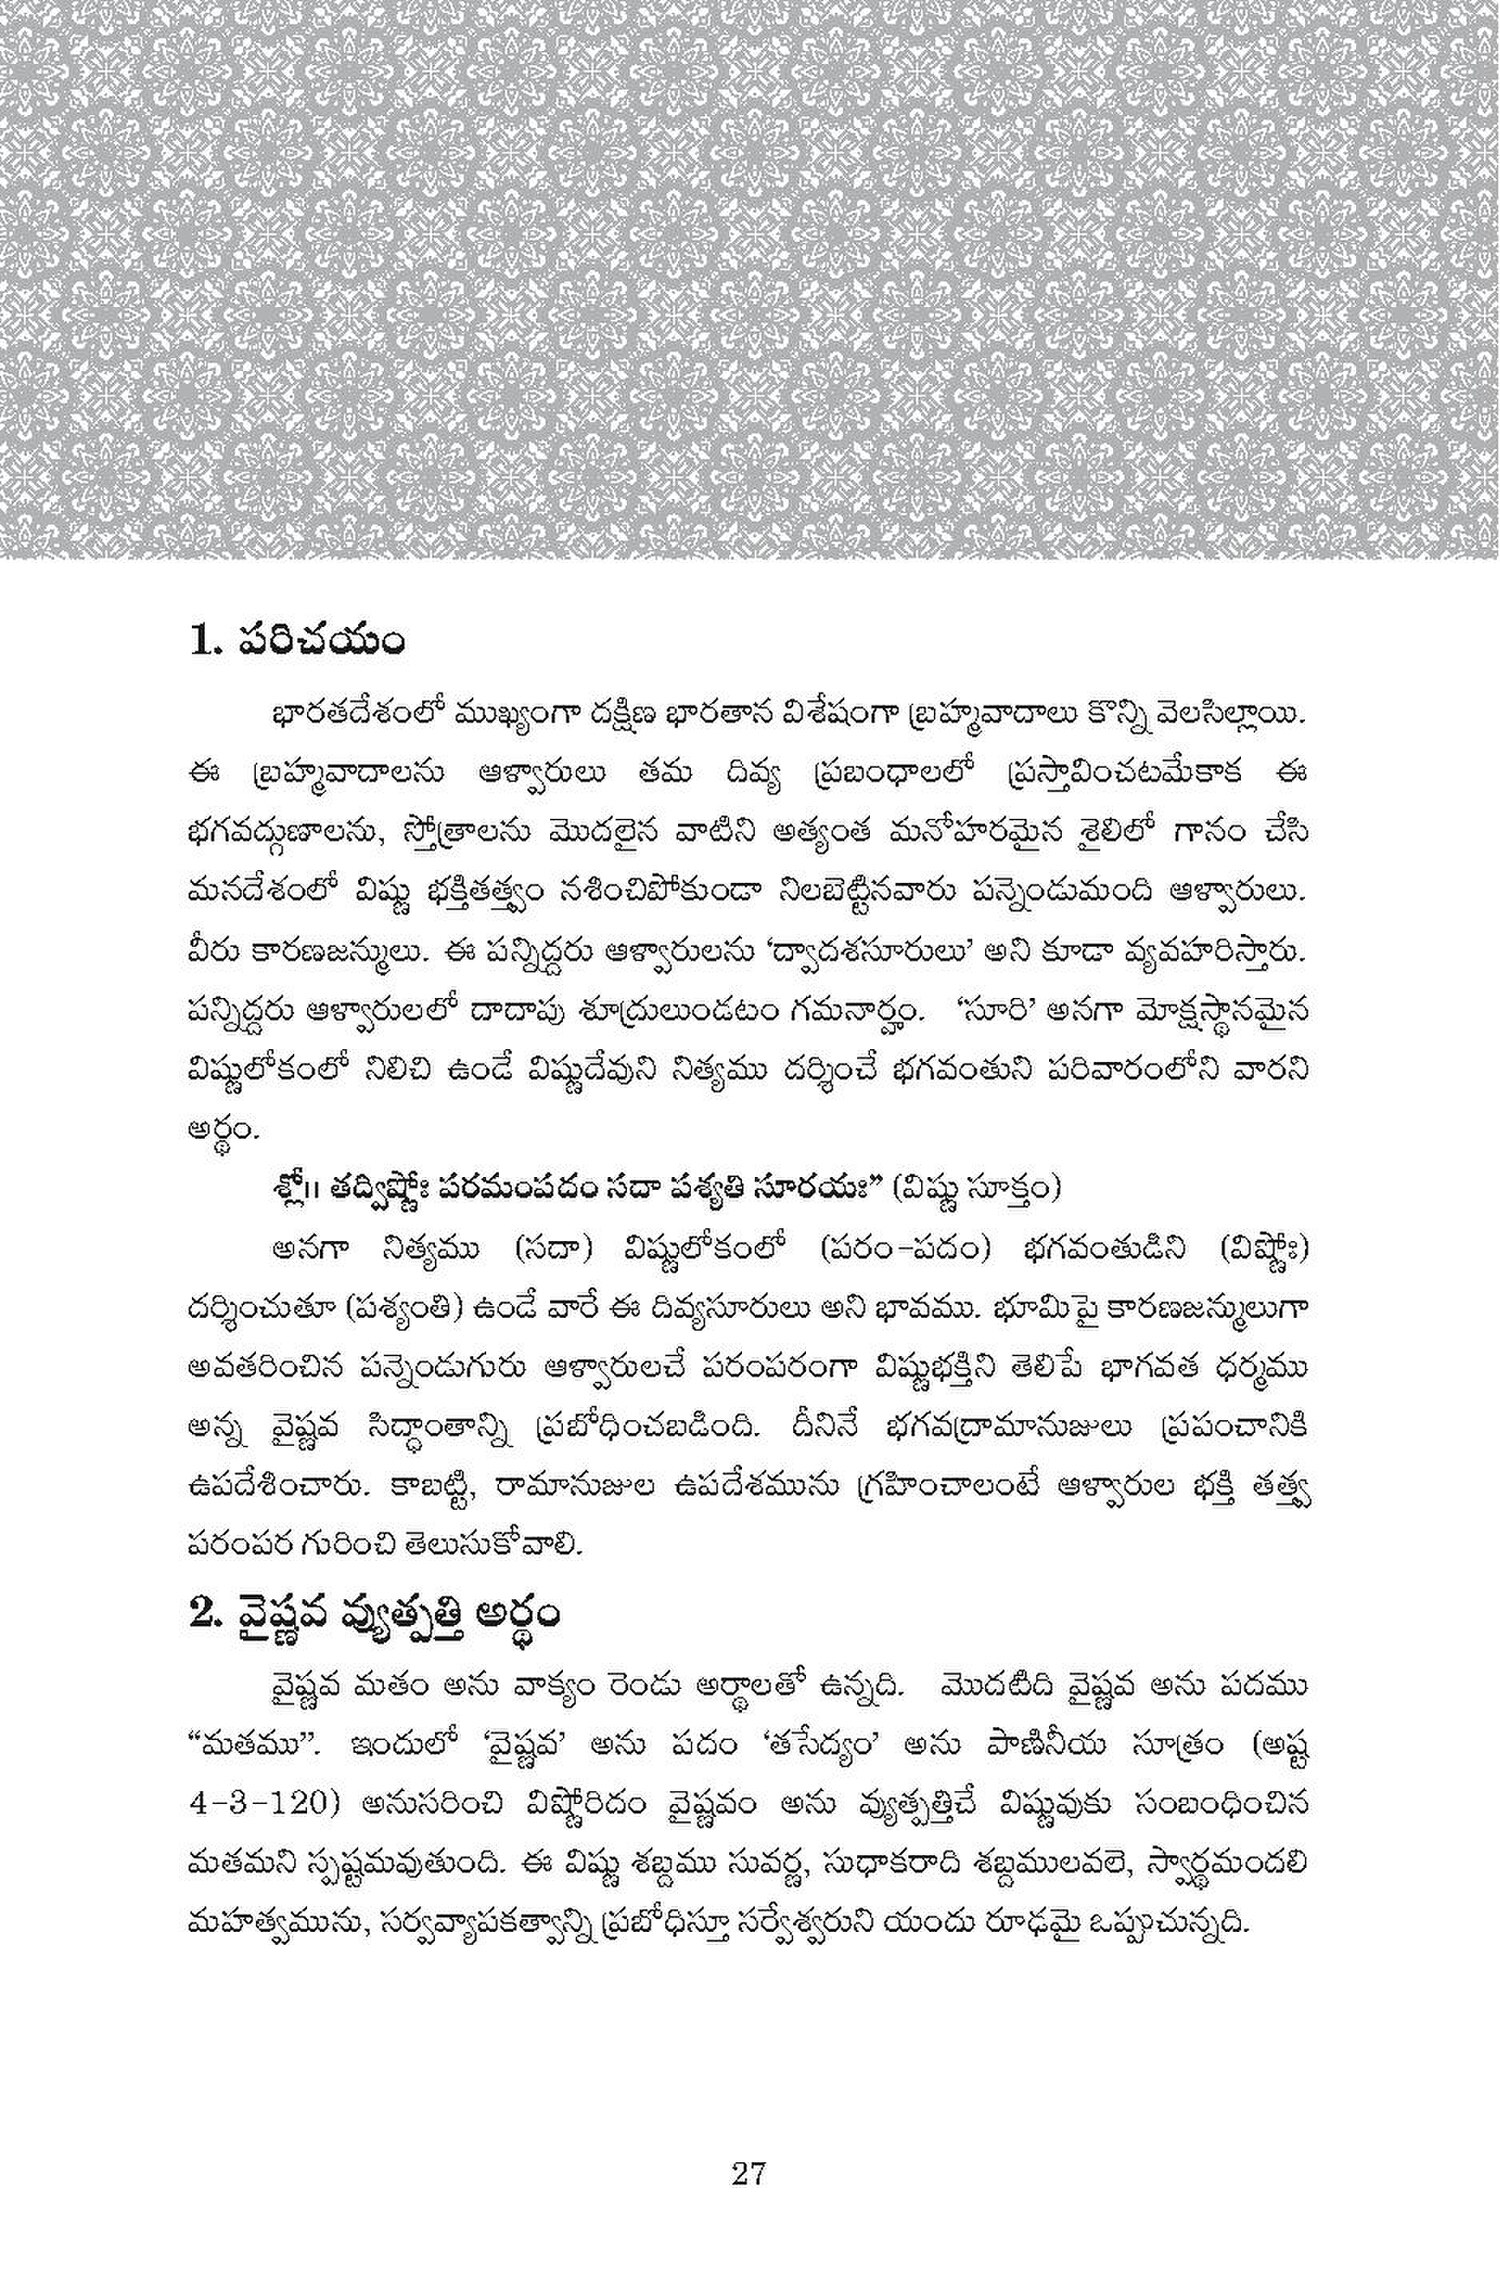1. పరిచయం 

భారతదేశంలో ముఖ్యంగా దక్షిణ భారతాన విశేషంగా బ్రహ్మవాదాలు కొన్ని వెలసిల్లాయి.ఈ బ్రహ్మవాదాలను ఆళ్వారులు తమ దివ్య ప్రబంధాలలో ప్రస్తావించటమేకాక ఈ భగవద్గుణాలను, స్తోత్రాలను మొదలైన వాటిని అత్యంత మనోహరమైన శైలిలో గానం చేసి మనదేశంలో విష్ణు భక్తితత్త్వం నశించిపోకుండా నిలబెట్టినవారు పన్నెండుమంది ఆళ్వారులు. వీరు కారణ జన్ములు. ఈ పన్నిద్దరు ఆళ్వారులను 'ద్వాదశసూరులు' అని కూడా వ్యవహరిస్తారు. పన్నిద్దరు ఆళ్వారులలో దాదాపు శూద్రులుండటం గమనార్హం. 'సూరి' అనగా మోక్షస్థానమైన విష్ణులోకంలో నిలిచి ఉండే విష్ణుదేవుని నిత్యము దర్శించే భగవంతుని పరివారంలోని వారని అర్థం.

శ్లో॥ తద్విష్ణోః పరమంపదం సదా పశ్యతి సూరయః” (విష్ణు సూక్తం)

అనగా నిత్యము (సదా) విష్ణులోకంలో (పరం-పదం) భగవంతుడిని (విష్ణోః) దర్శించుతూ (పశ్యంతి) ఉండే వారే ఈ దివ్యసూరులు అని భావము. భూమి పై కారణజన్ములుగా అవతరించిన పన్నెండుగురు ఆళ్వారులచే పరంపరంగా విష్ణుభక్తిని తెలిపే భాగవత ధర్మము అన్న వైష్ణవ సిద్ధాంతాన్ని ప్రబోధించబడింది. దీనినే భగవద్రామానుజులు ప్రపంచానికి ఉపదేశించారు. కాబట్టి, రామానుజుల ఉపదేశమును గ్రహించాలంటే ఆళ్వారులు భక్తి తత్త్వ పరంపర గురించి తెలుసుకోవాలి.

2. వైష్ణవ వ్యుత్పత్తి అర్థం 

వైష్ణవ మతం అను వాక్యం రెండు అర్థాలతో ఉన్నది. మొదటిది వైష్ణవ అను పదము “మతము”. ఇందులో 'వైష్ణవ' అను పదం 'తసేద్యం' అను పాణినీయ సూత్రం (అష్ట 4-3-120) అనుసరించి విష్ణోరిదం వైష్ణవం అను వ్యుత్పత్తిచే విష్ణువుకు సంబంధించిన మతమని స్పష్టమవుతుంది. ఈ విష్ణు శబ్దము సువర్ణ, సుధాకరాది శబ్దములవలె, స్వార్థమందలి
మహత్వమును, సర్వవ్యాపకత్వాన్ని ప్రబోధిస్తూ సర్వేశ్వరుని యందు రూఢమై ఒప్పుచున్నది.